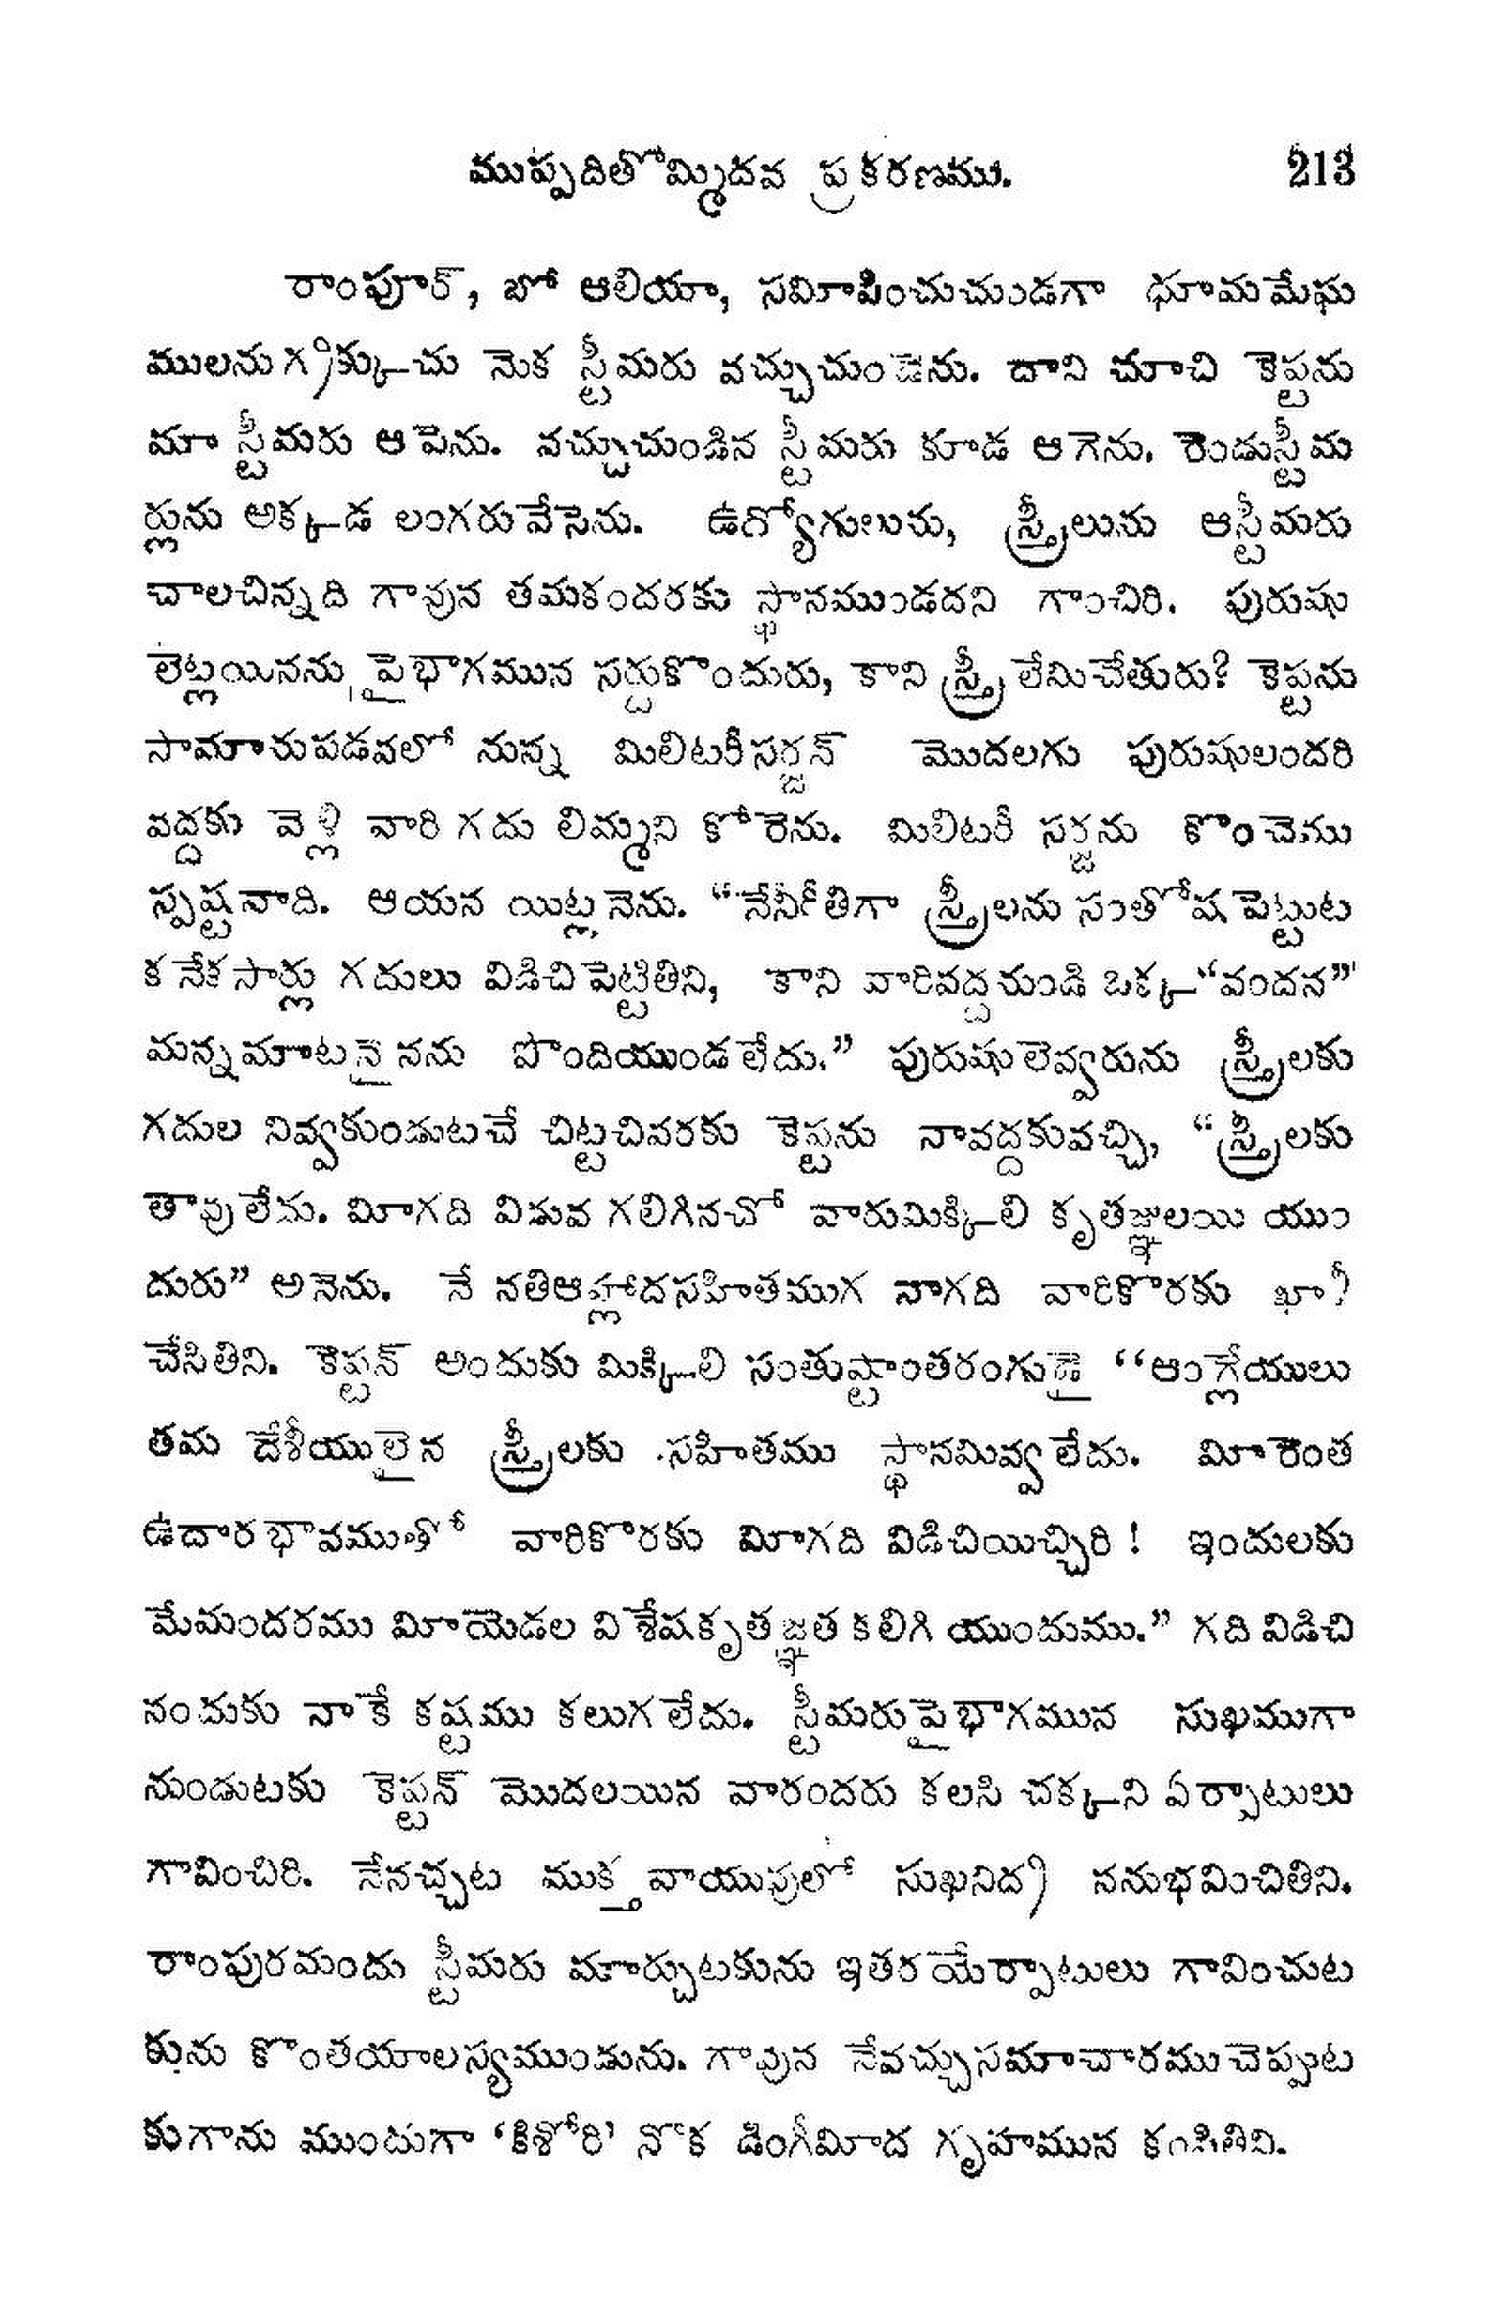రాంపూర్, బోఆలియా, సమీపించుచుండగా ధూమమేఘములను గక్కుచు 
ఒక స్టీమరు వచ్చుచుండెను.దాని చూచి కెప్టనుమా స్టీమరు ఆపెను. 
వచ్చుచుండిన స్టీమరు కూడ ఆగెను. రెండు స్టీమర్లును అక్కడ 
లంగరు వేసెను. ఉగ్యోగులును, స్త్రీలును ఆస్టీమరుచాల చిన్నది 
గావున తమకందరకు స్థానముండదని గాంచిరి. పురుషు
లెట్లయినను, పై భాగమున సర్దుకొందురు, కాని స్త్రీ లేమి చేతురు? కెప్టను
సామాను పడవలో నున్న మిలిటరీ సర్జన్ మొదలగు పురుషులందరి
పద్దకు వెళ్లి వారి గదు లిమ్మని కోరెను. మిలిటరీ సర్జను కొంచెము
స్పష్ట నాది. ఆయన యిట్ల నెను. " నేనీ రీతిగా స్త్రీలను సంతోష పెట్టుటక
నేక సార్లు గదులు విడిచి పెట్టితిని, కాని వారి వద్ద నుండి ఒక్క “వందన”
మన్నమాటనైనను పొందియుండ లేదు.” పురుషు లెవ్వరును స్త్రీలకు
గదుల నివ్వకుండుటచే చిట్ట చివరకు కేష్టను నావద్దకు వచ్చి, “స్త్రీలకు
తావు లేదు. మిగది విడువ గలిగినచో వారు మిక్కిలి కృతజ్ఞులయి
దురు” అనెను. నే నతిఆహ్లాద సహితముగ నాగది వారికొరకు ఖాళీ
చేసితిని. కెప్టన్ అందుకు మిక్కిలి సంతుష్టాంతరంగుడై “ఆంగ్లేయులు
తమ దేశీయులైన స్త్రీలకు సహితము స్థానమివ్వ లేదు. మీరెంత
ఉదార భావముతో వారికొరకు మిగది విడిచియిచ్చిరి ! ఇందులకు
మేమందరము మీయెడల విశేషకృతజ్ఞత కలిగి యుందుము.” గది విడిచి
నందుకు నా కే కష్టము కలుగ లేదు. స్టీమరు పై భాగమున సుఖముగా
నుండుటకు కెప్టన్ 'మొదలయిన వారందరు కలసి చక్కని ఏర్పాటులు
గావించిరి. నేనచ్చట ముక్త వాయువులో సుఖనిద్ర, ననుభమిచితిని.
రాంపురమందు స్టీమరు మార్చుటకును ఇతర యేర్పాటులు గావించుట
కును కొంతయాల స్యముండును. గావున నేవచ్చు సమాచారము చెప్పుట
కుగాను ముందుగా ' కిశోరి' నొక డింగీమీద గృహమున కంపితివి.